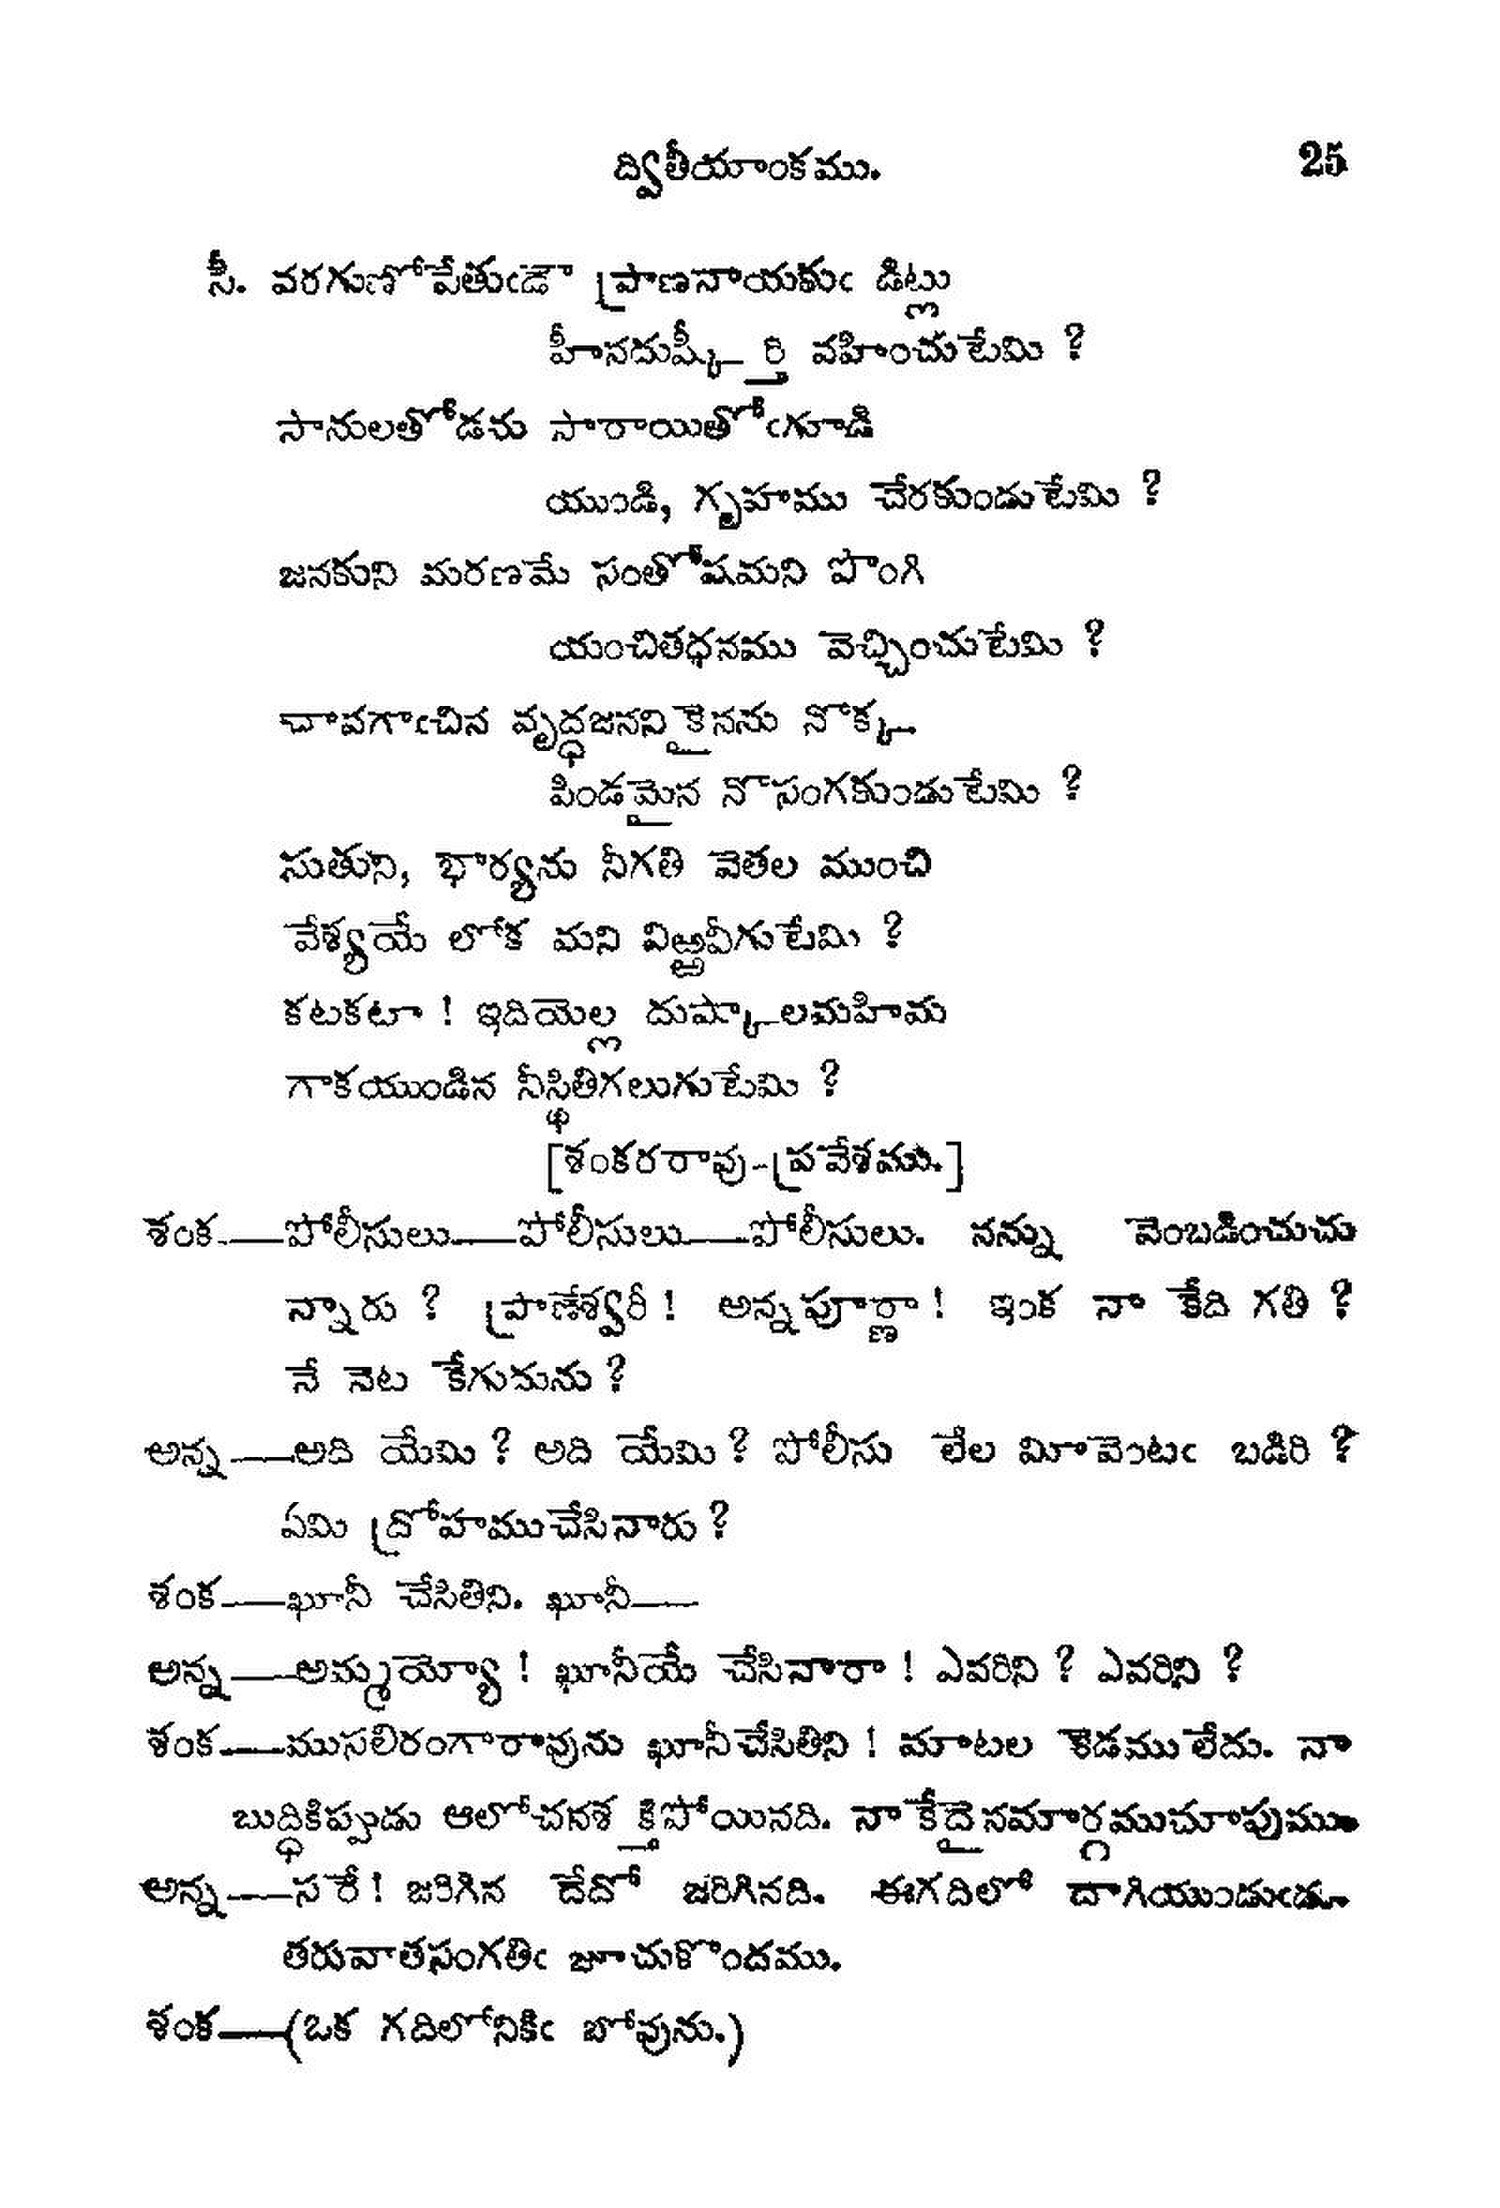సీ. వరగుణోపేతుఁడౌ ప్రాణనాయకుఁ డిట్లు
 హీనదుష్కీర్తి వహించుటేమి ?
 సానులతోడను సారాయితోఁగూడి
 యుండి, గృహము చేరకుండుటేమి ?
 జనకుని మరణమే సంతోషమని పొంగి
 యంచితధనము వెచ్చించుటేమి ?
 చావగాఁచిన వృద్ధజననికైనను నొక్క
 పిండమైన నొసంగకుండుటేమి ?

 సుతుని, భార్యను నీగతి వెతల ముంచి
 వేశ్యయే లోక మని విఱ్ఱవీగుటేమి ?
 కటకటా ! ఇదియెల్ల దుష్కాలమహిమ
 గాక యుండిన నీస్థితిగలుగుటేమి ?

శంక - పోలీసులు - పోలీసులు - పోలీసులు. నన్ను వెంబడించుచున్నారు ? ప్రాణేశ్వరీ ! అన్నపూర్ణా ! ఇక నా కేది గతి ? నే నెట కేగుదును?

అన్న - అది యేమి? అది యేమి? పోలీసు లేల మీవెంటఁ బడిరి ? ఏమి ద్రోహము చేసినారు ?

శంక -- ఖూనీ చేసితిని. ఖూనీ ---

అన్న — అమ్మయ్యో ! ఖూనీయే చేసినారా ! ఎవరిని ? ఎవరిని ?

శంక - ముసలిరంగారావును ఖూనీచేసితిని ! మాటల కెడములేదు. నా బుద్ధికిప్పుడు ఆలోచన శక్తిపోయినది. నా కేదైనమార్గముచూపుము.

అన్న -- సరే ! జరిగిన దేదో జరిగినది. ఈగదిలో దాగియుండుఁడు. తరువాతసంగతిఁ జూచుకొందము.

శంక - (ఒక గదిలోనికిఁ బోవును.)